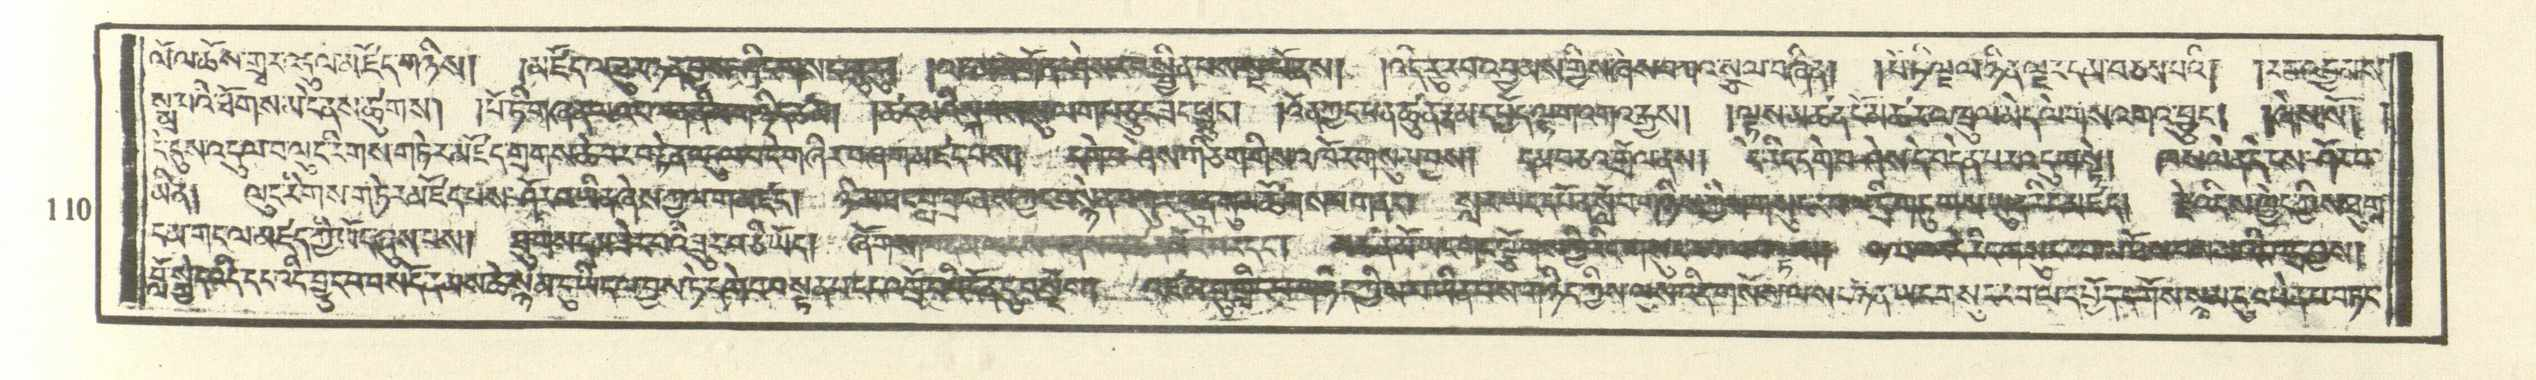ལོ་ལ་ཆོས་གྲྭར་འདུལ་མཛོད་གཉིས། །མཛོད་ལ་ཟུར?་ཉན་བྱས་ཤིང་གསང་ཕུ་རུ། །འཇམ་མགོན་ཤེས་རབ་སྦྱིན་པས་སྔ་ལོ་ནས། །འདི་རུ་རབ་འབྱམས་གྱིས་ཞེས་བཀའ་སྩལ་བཞིན། །པོ་ཏི་ལྔ་ལ་ཉིན་ལྔར་དམ་བཅས་པའི། །རབ་འབྱམས་
སྨྲ་པའི་ཐོགས་མེད་ནས་ཚུགས། །པོ་ཏི་གཞན་ལའང་ལན་ནི་མ་གཉིད་ཙམ། །ཚད་མའི་སྐབས་སུ་ལག་པ་ཅུང་ཟད་ཕྱུང་། །འོན་ཀྱང་ཕན་ཚུན་རྣམ་དཔྱོད་ལྷག་འགའ་རྒྱས། །ལྟས་མཚན་ངོ་མཚར་འཁྲུལ་མེད་ལེགས་འགའ་བྱུང་། །ཞེས་སོ། །
དེ་དུས་འདུལ་བ་ལུང་རིགས་གཏེར་མཛོད་གྲགས་ཆེ་བར་བརྟེན་འདུལ་བ་དེ་གཞིར་བཞག་མཛད་པས། དགེ་བཤེས་གཅིག་གིས་འཁོར་གསུམ་བྱས། དམ་བཅའ་གྲོལ་ནས། དེ་རིང་དགེ་བཤེས་དེ་བདེན་པར་འདུག་སྟེ། ཁས་ལེན་དེ་ངས་ཤོར་བ་
མིན༑ ལུང་རིགས་གཏེར་མཛོད་པས་ཤོར་བ་ཡིན་ཞེས་ཀྱལ་ག་མཛད། ཉི་མ་ཐང་བླ་བྲད་ནས་ཀྱང་བསྙེན་བཀུར་ཕུན་སུམ་ཚོགས་པ་གནང་། སླར་ཡང་དཔོན་སློབ་གཉིས་ཀྱིས་གསུང་རབ་ལ་དྲི་གཏུགས་ཡུན་རིང་མཛད། རྗེ་འདིས་ཁྱེད་ཀྱིས་ཐུགས་
དམ་གང་ལ་མཛད་ཀྱི་ཡོད་ཞུས་པས། ཐུགས་དམ་ཟེར་བའི་ཟུར་པ་ཅི་ཡོད། ཞོགས་ཁ་ནམ་ལངས་པ་ནས་མཚན་མོའི་བར་དང་། མཚན་མོ་ཡང་གང་ལྕོགས་ཀྱི་རིང་གསུང་རབ་ལ་བལྟས། ཉལ་ཁར་དེ་རིང་གསུང་རབ་ལ་ཐོས་བསམ་འདི་འདྲ་བྱས།
བློ་སྐྱེད་འདི་དང་འདི་བྱུང་བ་བསོད་ནམས་ཆེ་སྙམ་དུ་ཡིད་ལ་བྱས་ཏེ་དགེ་བ་བསྟན་པ་དང་འགྲོ་བའི་དོན་དུ་བསྔོས། འཛམ་བུ་གླིང་པ་གཉིད་ཀྱིས་པ་ཡིན་པས་གཉིད་ཀྱིས་ལུས་འདི་གསོས་ལ་སང་ཉིན་ཡང་གསུང་རབ་ལ་དཔྱོད་དགོས་སྙམ་དུ་འཕེན་པ་བཏང་